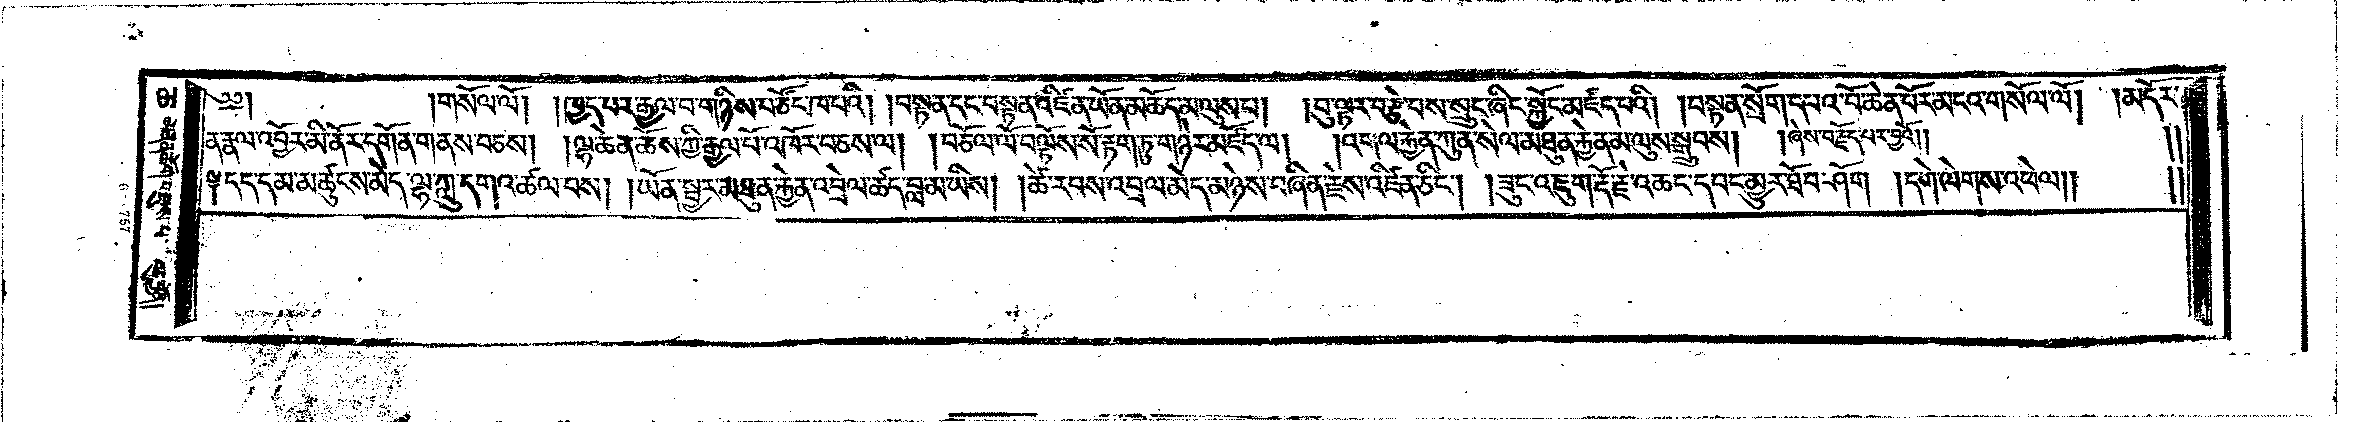༄༅། །གསོལ་ལོ། །ཁྱད་པར་རྒྱལ་བ་གཉིས་པ་ཙོང་ཁ་པའི། །བསྟན་དང་བསྟན་འཛིན་ཡོན་མཆོད་མ་ལུས་པ། །བུ་ལྟར་བརྩེ་བས་སྲུང་ཞིང་སྐྱོང་མཛད་པའི། །བསྟན་སྲོག་དཔའ་བོ་ཆེན་པོར་མངའ་གསོལ་ལོ། །མདོར་
ན་རྣལ་འབྱོར་མི་ནོར་དགོན་ནས་བཅས། །ལྷ་ཆེན་ཆོས་ཀྱི་རྒྱལ་པོ་འཁོར་བཅས་ལ། །བཅོལ་ལོ་བལྟོས་སོ་རྟག་ཏུ་གཉེར་མཛོད་ལ། །འགལ་རྐྱེན་ཀུན་སེལ་མཐུན་རྐྱེན་མ་ལུས་སྒྲུབས། །ཞེས་བརྗོད་པར་བྱའོ།།
༈ དད་དམ་མཚུངས་མེད་ལྷ་ཀླུ་དགའ་ཚལ་བས། །ཡོན་སྦྱར་མཐུན་རྐྱེན་འབྲེལ་ཚད་བླ་མ་ཡིས། །ཚེ་རབས་འབྲལ་མེད་མཉེས་བཞིན་རྗེས་འཛིན་ཅིང་། །ཟུང་འཇུག་རྡོ་རྗེ་འཆང་དབང་མྱུར་ཐོབ་ཤོག །དགེ་ལེགས་འཕེལ།།